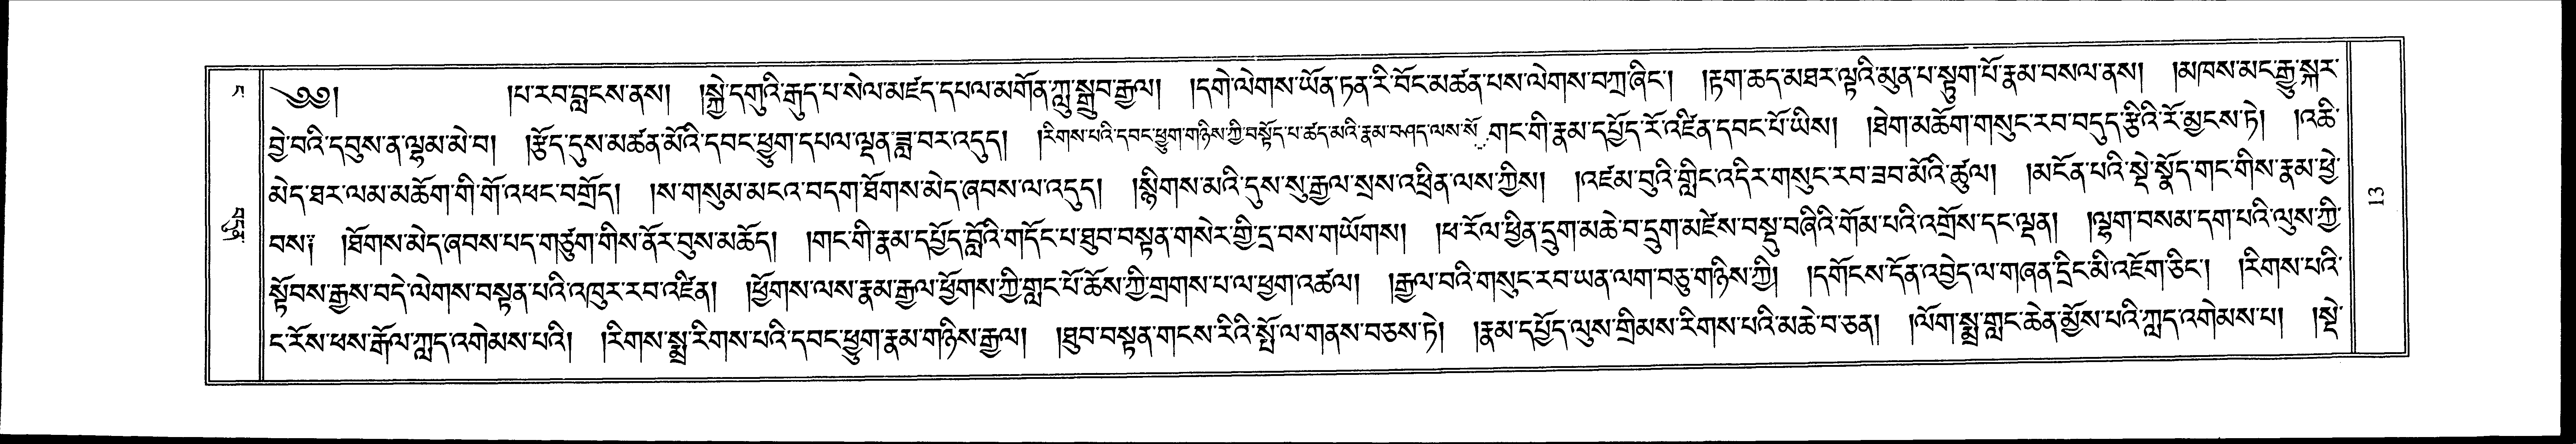༄༅། །པ་རབ་བླངས་ནས། །སྐྱེ་དགུའི་རྒུད་པ་སེལ་མཛད་དཔལ་མགོན་ཀླུ་སྒྲུབ་རྒྱལ། །དགེ་ལེགས་ཡོན་ཏན་རི་བོང་མཚན་པས་ལེགས་བཀྲ་ཞིང་། །རྟག་ཆད་མཐར་ལྟའི་མུན་པ་སྟུག་པོ་རྣམ་བསལ་ནས། །མཁས་མང་རྒྱུ་སྐར་
བྱེ་བའི་དབུས་ན་ལྷམ་མེ་བ། །རྩོད་དུས་མཚན་མོའི་དབང་ཕྱུག་དཔལ་ལྡན་ཟླ་བར་འདུད། །རིགས་པའི་དབང་ཕྱུག་གཉིས་ཀྱི་བསྟོད་པ་ཚད་མའི་རྣམ་བཤད་ལས་སོ་གང་གི་རྣམ་དཔྱོད་རོ་འཛིན་དབང་པོ་ཡིས། །ཐེག་མཆོག་གསུང་རབ་བདུད་རྩིའི་རོ་མྱངས་ཏེ། །འཆི་
མེད་ཐར་ལམ་མཆོག་གི་གོ་འཕང་བགྲོད། །ས་གསུམ་མངའ་བདག་ཐོགས་མེད་ཞབས་ལ་འདུད། །སྙིགས་མའི་དུས་སུ་རྒྱལ་སྲས་འཕྲིན་ལས་ཀྱིས། །འཛམ་བུའི་གླིང་འདིར་གསུང་རབ་ཟབ་མོའི་ཚུལ། །མངོན་པའི་སྡེ་སྣོད་གང་གིས་རྣམ་ཕྱེ་
བས། །ཐོགས་མེད་ཞབས་པད་གཙུག་གིས་ནོར་བུས་མཆོད། །གང་གི་རྣམ་དཔྱོད་བློའི་གདོང་པ་ཐུབ་བསྟན་གསེར་གྱི་དྲ་བས་གཡོགས། །ཕ་རོལ་ཕྱིན་དྲུག་མཆེ་བ་དྲུག་མཛེས་བསྡུ་བཞིའི་གོམ་པའི་འགྲོས་དང་ལྡན། །ལྷག་བསམ་དག་པའི་ལུས་ཀྱི་
སྟོབས་རྒྱས་བདེ་ལེགས་བསྟན་པའི་འཁུར་རབ་འཛིན། །ཕྱོགས་ལས་རྣམ་རྒྱལ་ཕྱོགས་ཀྱི་གླང་པོ་ཆོས་ཀྱི་གྲགས་པ་ལ་ཕྱག་འཚལ། །རྒྱལ་བའི་གསུང་རབ་ཡན་ལག་བཅུ་གཉིས་ཀྱི། །དགོངས་དོན་འབྱེད་ལ་གཞན་དྲིང་མི་འཇོག་ཅིང་། །རིགས་པའི་
ང་རོས་ཕས་རྒོལ་ཀླད་འགེམས་པའི། །རིགས་སྨྲ་རིགས་པའི་དབང་ཕྱུག་རྣམ་གཉིས་རྒྱལ། །ཐུབ་བསྟན་གངས་རིའི་སྤོ་ལ་གནས་བཅས་ཏེ། །རྣམ་དཔྱོད་ལུས་གྲིམས་རིགས་པའི་མཆེ་བ་ཅན། །ལོག་སྨྲ་གླང་ཆེན་མྱོས་པའི་ཀླད་འགེམས་པ། །སྡེ་